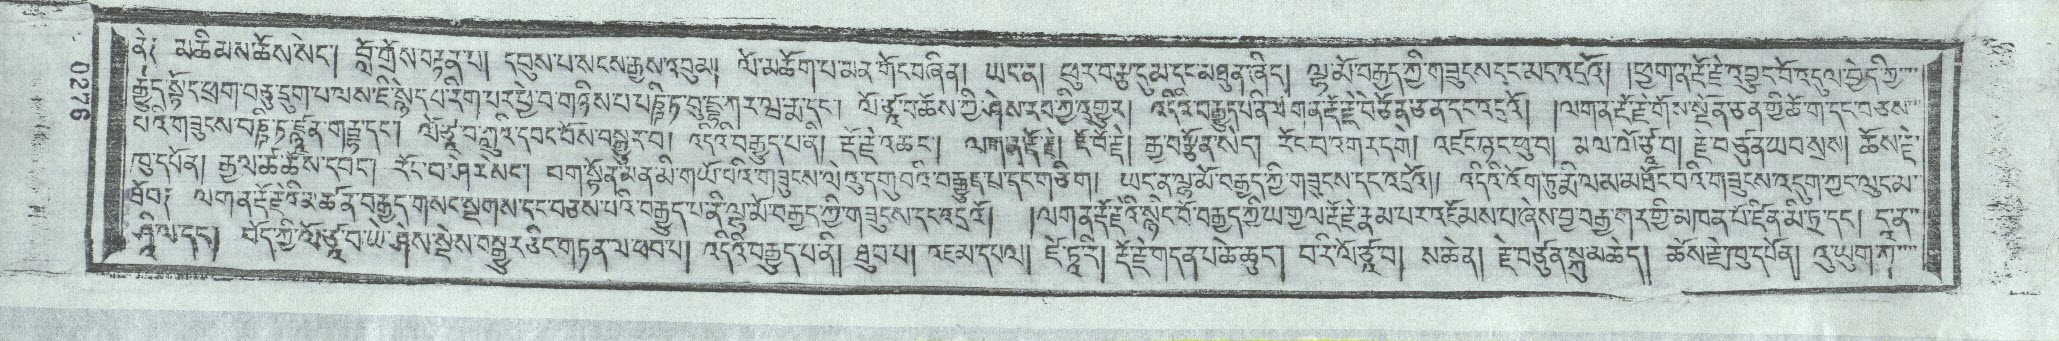ན༑ མཆིམས་ཆོས་སེང་། བློ་གྲོས་བརྟན་པ། དབུས་པ་སངས་རྒྱས་འབུམ། ལོ་མཆོག་པ་མན་གྲོང་བཞིན། ཡང་ན། ཁུར་བརྩ་དུ་མ་དང་མཐུན་ཞིང་། ལྷ་མོ་བརྒྱད་ཀྱི་གཟུངས་དོང་མེད་འདྲའོ། །ཕྱག་ན་རྡོ་རྗེ་འབྱུང་བོ་འདུལ་བྱེད་ཀྱི་
རྒྱད་སྟོང་ཕྲག་བཅུ་དྲུག་པ་ལས་ཇི་སྙེད་པ་རིག་པར་ཕྱེ་བ་གཉིས་པ་པཎྜི་ཏ་བུདྡྷ་ཀར་ཝ་?་དང་། ལོ་ཙཱ་བ་ཆོས་ཀྱི་ཤེས་རབ་ཀྱི་འགྱུར། འདིའི་བརྒྱུད་པ་ནི་ལ་རྡོ་རྗེ་བ་ཅན་ཙན་ཅན་དང་འདྲའོ། །ལག་ན་རྡོ་རྗེ་གོས་སྔོན་ཅན་གྱི་ཆོ་ག་དང་བཅས་
པའི་གཟུངས་པཎྜི་ཏ་ཛྙཱ་ན་གརྦྷ་དང་། ལོ་ཙཱ་བ་ཀླུའི་དབང་བོས་བསྒྱུར་བ། འདིའི་བརྒྱུད་པ་ནི། རྡོ་རྗེ་འཆང་། ལག་ན་རྡོ་རྗེ། ཇོ་བོ་རྗེ། རྒྱ་བརྩོན་སང་། རོང་བ་འགར་དག། འཛང་ཉང་གྲུབ། མ་ལའོ་ཙཱ་བ། རྗེ་བཙུན་ཡབ་སྲས། ཆོས་རྗེ་
བུ་དཔོན། རྒྱལ་ཚ་ཆོས་དབང་། རོང་བ་ཤེར་སང་། བག་སྟོན་མན་མི་གཡོ་བའི་གཟུངས་ལའུ་དགུ་བའི་བརྒྱུད་པ་དང་གཅིག། ཡང་ན་ལྷ་མོ་བརྒྱད་ཀྱི་གཟུངས་དང་འདྲའོ། འདིའི་འོག་ཏུ་རྨི་ལམ་མཐོང་བའི་གཟུངས་འདུག་ཀྱང་ལུང་མ་
ཐོབ༑ ལག་ན་རྡོ་རྗེའི་མཚན་བརྒྱད་གསང་སྔགས་དང་བཅས་པའི་བརྒྱུད་པ་ན་ལྷ་མོ་བརྒྱད་ཀྱི་གཟུངས་དང་འདྲའོ། །ལག་ན་རྡོ་རྗེའི་སྙིང་བོ་བརྒྱད་ཀྱི་ཡ་?་རྡོ་རྗེ་རྣམ་པར་འཇོམས་པ་ཞེས་བྱ་བརྒྱ་གར་གྱི་མཁན་པོ་ཛིན་མི་ཏྲ་དང་། དཱ་ན་
?་ལ་དང་། བོད་ཀྱི་ལོ་ཙཱ་བ་ཡེ་ཤེས་སྡེས་བསྒྱུར་ཅིང་གཏན་ལ་ཕབ་པ། འདིའི་བརྒྱུད་པ་ནི། ཐུབ་པ། འཇམ་དཔལ། ཛེ་ཏཱ་རི། རྡོ་རྗེ་གདན་པ་ཆེ་ཆུང་། བ་རི་ལོ་ཙཱ་པ། ས་ཆེན། རྗེ་བཙུན་སྐུ་མཆེད། ཆོས་རྗེ་བུ་དཔོན། འུ་ཡུག་ཀ་